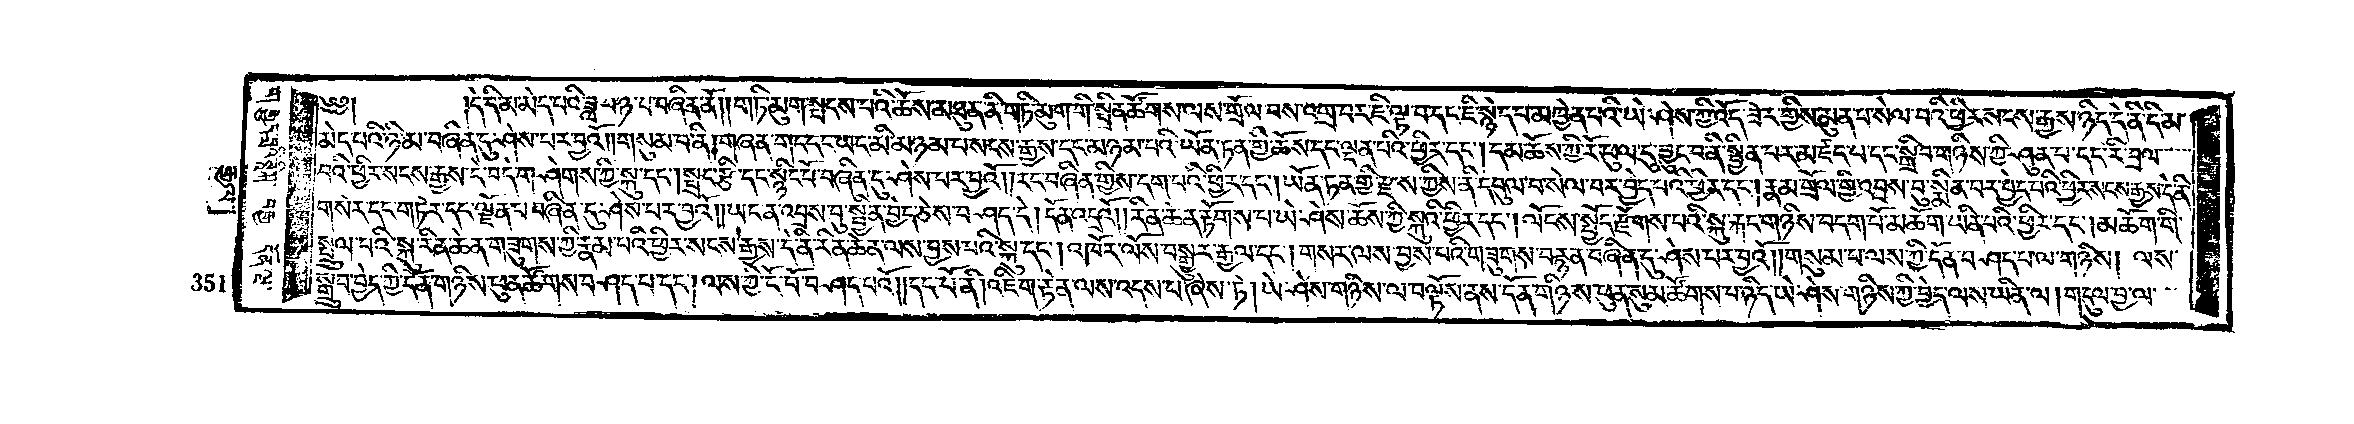༄༅། །དེ་དི་མ་མེད་པའི་ཟླ་བ་ཉ་བ་བཞིན་ནོ། །གཏི་མུག་སྤངས་པའི་ཆོས་མཐུན་ནི་གཏི་མུག་གི་སྤྲིན་ཚོགས་ལས་གྲོལ་བས་འགྲོ་བར་ཇི་ལྟ་བ་དང་ཇི་སྙེད་པ་མཁྱེན་པའི་ཡེ་ཤེས་ཀྱི་འོད་ཟེར་གྱིས་མུན་པ་སེལ་བའི་ཕྱིར་སངས་རྒྱས་ཉིད་དེ་ནི་དེ་མ་
མེད་པའི་ཉི་མ་བཞིན་དུ་ཤེས་པར་བྱའོ། །གསུམ་པ་ནི། གཞན་གང་དང་ཡང་མི་མཉམ་པ་སངས་རྒྱས་དང་མཉམ་པའི་ཡོན་ཏན་གྱི་ཆོས་དང་ལྡན་པའི་ཕྱིར་དང་། དམ་ཆོས་ཀྱི་རོ་ཕུལ་དུ་བྱུང་བ་ནི་སྦྱིན་པར་མཛད་པ་དང་སྒྲིབ་གཉིས་ཀྱི་ཤུན་པ་དང་རི་བྲལ་
བའི་ཕྱིར་སངས་རྒྱས་དེ་བདེ་གཤེགས་ཀྱི་སྐུ་དང་། སྦྲང་རྩི་དང་སྙིང་པོ་བཞིན་དུ་ཤེས་པར་བྱའོ། །རང་བཞིན་གྱིས་དག་པའི་ཕྱིར་དང་། ཡོན་ཏན་གྱི་རྫས་ཀྱིས་ནི་དབུལ་པ་སེལ་བར་བྱེད་པའི་ཕྱིར་དང་། རྣམ་གྲོལ་གྱི་འབྲས་བུ་སྨིན་པར་བྱེད་པའི་ཕྱིར་སངས་རྒྱས་དེ་ནི་
གསེར་དང་གཏེར་དང་ལྗོན་པ་བཞིན་དུ་ཤེས་པར་བྱའོ། །ཡང་ན་འབྲས་བུ་སྦྱིན་བྱེད་ཅེས་བཤད་དེ། དོན་འདྲའོ། །རིན་ཆེན་རྟོགས་པ་ཡེ་ཤེས་ཆོས་ཀྱི་སྐུའི་ཕྱིར་དང་། ལོངས་སྤྱོད་རྫོགས་པའི་སྐུ་རྐང་གཉིས་བདག་པོ་མཆོག་ཡིན་པའི་ཕྱིར་དང་། མཆོག་གི་
སྤྲུལ་པའི་སྐུ་རིན་ཆེན་གཟུགས་ཀྱི་རྣམ་པའི་ཕྱིར་སངས་རྒྱས་དེ་ནི་རིན་ཆེན་ལས་བྱས་པའི་སྐུ་དང་། འཁོར་ལོས་བསྒྱུར་རྒྱལ་དང་། གསར་ལས་བྱས་པའི་གཟུགས་བརྙན་བཞིན་དུ་ཤེས་པར་བྱའོ། །གསུམ་པ་ལས་ཀྱི་དོན་བཤད་པ་ལ་གཉིས། ལས་
སྒྲུབ་བྱེད་ཀྱི་དོན་གཉིས་ཕུན་ཚོགས་བཤད་པ་དང་། ལས་ཀྱི་ངོ་བོ་བཤད་པའོ། །དང་པོ་ནི། འཇིག་རྟེན་ལས་འདས་པ་ཞེས་ཏེ། ཡེ་ཤེས་གཉིས་ལ་བལྟོས་ནས་དོན་གཉིས་ཕུན་སུམ་ཚོགས་པ་ཉིད་ཡེ་ཤེས་གཉིས་ཀྱི་བྱེད་ལས་ཡིན་ལ། གདུལ་བྱ་ལ་